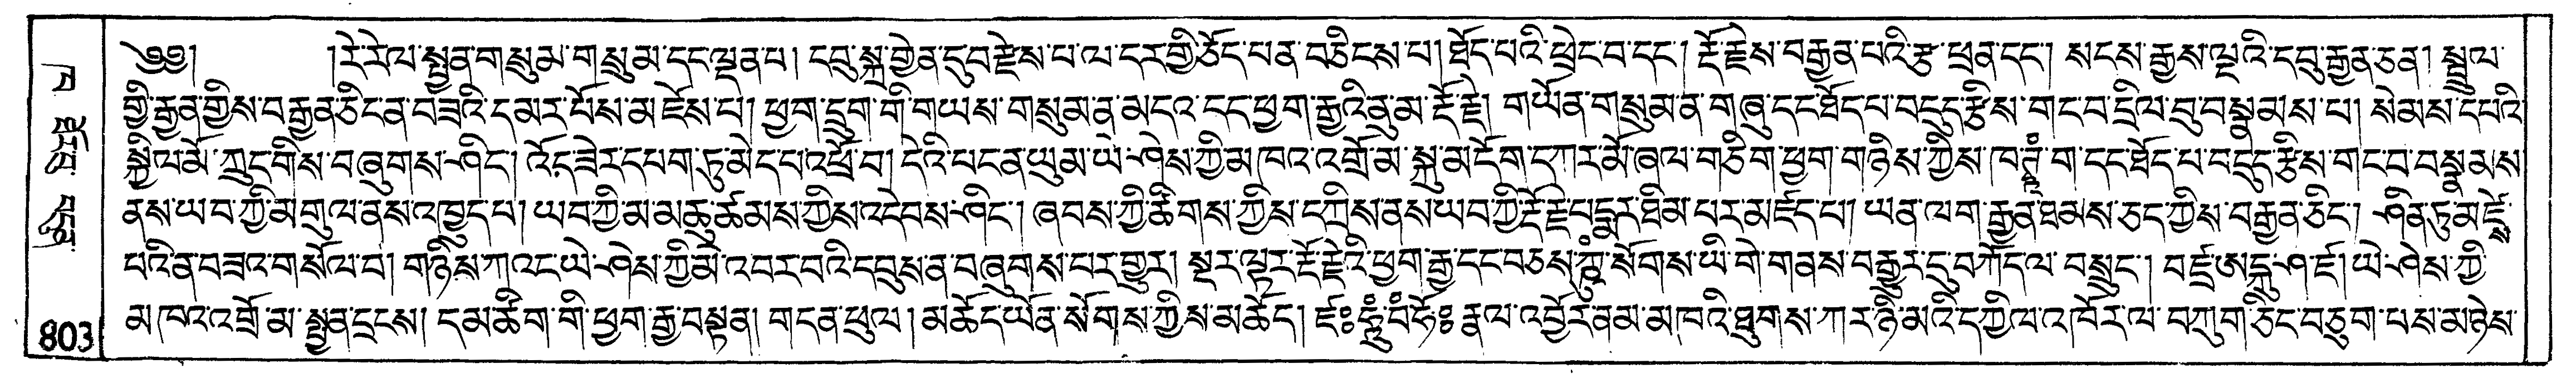༄༅། །རེ་རེ་ལ་སྤྱན་གསུམ་གསུམ་དང་ལྡན་པ། དབུ་སྐྲ་གྱེན་དུ་བརྫེས་པ་ལ་དར་གྱི་ཅོད་པན་བཅིངས་པ། ཐོད་པའི་ཕྲེང་བ་དང་། རྡོ་རྗེས་བརྒྱན་པའི་རྩ་ཕྲན་དང་། སངས་རྒྱས་ལྔའི་དབུ་རྒྱན་ཅན། སྦྲུལ་
གྱི་རྒྱན་གྱིས་བརྒྱན་ཅིང་ན་བཟའི་དམར་པོས་མཛེས་པ། ཕྱག་དྲུག་གི་གཡས་གསུམ་ན་མདའ་དང་ཕྱག་རྒྱའི་ནུ་མ་རྡོ་རྗེ། གཡོན་གསུམ་ན་གཞུ་དང་ཐོད་པ་བདུད་རྩིས་གང་བ་དྲིལ་བུ་བསྣམས་པ། སེམས་དཔའི་
སྐྱིལ་མོ་ཀྲུང་གིས་བཞུགས་ཤིང་། འོད་ཟེར་དཔག་ཏུ་མེད་པ་འཕྲོ་བ། དེའི་པང་ན་ཡུམ་ཡེ་ཤེས་ཀྱི་མཁའ་འགྲོ་མ་སྐུ་མདོག་དཀར་མོ་ཞལ་གཅིག་ཕྱག་གཉིས་ཀྱིས་ཁ་ཊྭཱཾ་ག་དང་ཐོད་པ་བདུད་རྩིས་གང་བ་བསྣམས་
ནས་ཡབ་ཀྱི་མགུལ་ནས་འཁྱུད་པ། ཡབ་ཀྱི་མ་མཆུ་ཚམས་ཀྱིས་འདེབས་ཤིང་། ཞབས་ཀྱི་ཚིགས་ཀྱིས་དཀྲིས་ནས་ཡབ་ཀྱི་རྡོ་རྗེ་པདམར་ཐིམ་པར་མཛད་པ། ཡན་ལག་རྒྱན་ཐམས་ཅད་ཀྱིས་བརྒྱན་ཅིང་། ཤིན་ཏུ་མཛེས་
པའི་ན་བཟའ་གསོལ་བ། གཉིས་ཀའང་ཡེ་ཤེས་ཀྱི་མེ་འབར་བའི་དབུས་ན་བཞུགས་པར་གྱུར། སྔར་ལྟར་རྡོ་རྗེའི་ཕྱག་རྒྱ་དང་བཅས་ཀྵུཾ་སོགས་ཡི་གེ་གནས་བརྒྱུར་དུ་བཀོད་ལ་བསྲུང་། བཛྲ་ཨདཀུ་ཤ་ཛ། ཡེ་ཤེས་ཀྱི་
མཁའ་འགྲོ་མ་སྤྱན་དྲངས། དམ་ཚིག་གི་ཕྱག་རྒྱ་བསྟན། གདན་ཕུལ། མཆོད་ཡོན་སོགས་ཀྱིས་མཆོད། ཛཿ ཧཱུཾ་བཾ་ཧོཿ རྣལ་འབྱོར་ནམ་མཁའི་ཐུགས་ཀར་ཉི་མའི་དཀྱིལ་འཁོར་ལ་བཀུག་ཅིང་བཅུག་པས་མཉེས་